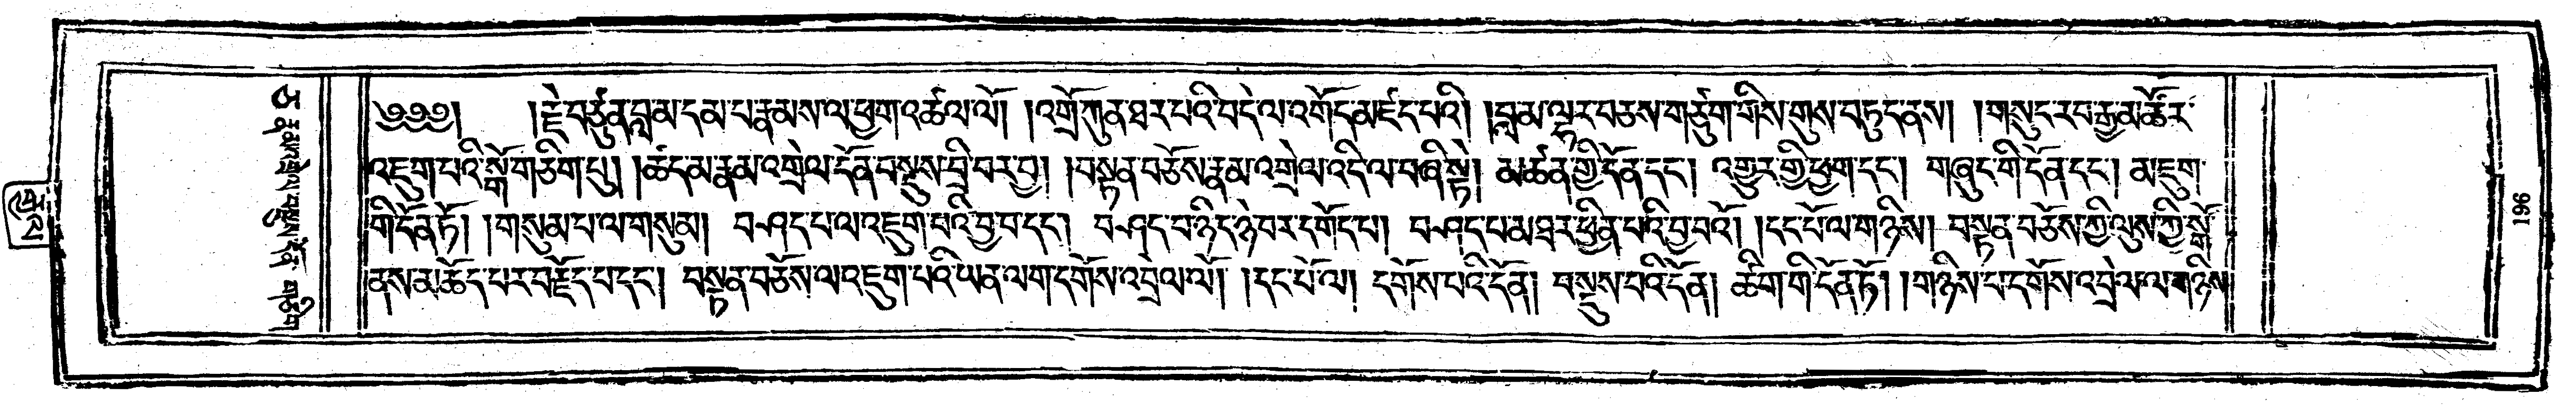༄༅༅། །རྗེ་བཙུན་བླ་མ་དམ་པ་རྣམས་ལ་ཕྱག་འཚལ་ལོ། །འགྲོ་ཀུན་ཐར་པའི་བདེ་ལ་འགོད་མཛད་པའི། །བླ་མ་ལྷར་བཅས་གཙུག་གིས་གུས་བཏུད་ནས། །གསུང་རབ་རྒྱ་མཚོར་
འཇུག་པའི་སྒོ་གཅིག་པུ། །ཚད་མ་རྣམ་འགྲེལ་དོན་བསྡུས་བྲི་བར་བྱ། །བསྟན་བཅོས་རྣམ་འགྲེལ་འདི་ལ་བཞི་སྟེ། མཚན་གྱི་དོན་དང་། འགྱུར་གྱི་ཕྱག་དང་། གཞུང་གི་དོན་དང་། མཇུག་
གི་དོན་ཏོ། །གསུམ་པ་ལ་གསུམ། བཤད་པ་ལ་འཇུག་པའི་བྱ་བ་དང་། བཤད་པ་ཉིད་ཉེ་བར་དགོད་པ། བཤད་པ་མཐར་ཕྱིན་པའི་བྱ་བའོ། །དང་པོ་ལ་གཉིས། བསྟན་བཅོས་ཀྱི་ལུས་ཀྱི་སྒོ་
ནས་མཆོད་པར་བརྗོད་པ་དང་། བསྟན་བཅོས་ལ་འཇུག་པའི་ཡན་ལག་དགོས་འབྲེལ་ལོ། །དང་པོ་ལ། དགོས་པའི་དོན། བསྡུས་པའི་དོན། ཚིག་གི་དོན་ཏོ། །གཉིས་པ་དགོས་འབྲེལ་ལ་གཉིས་